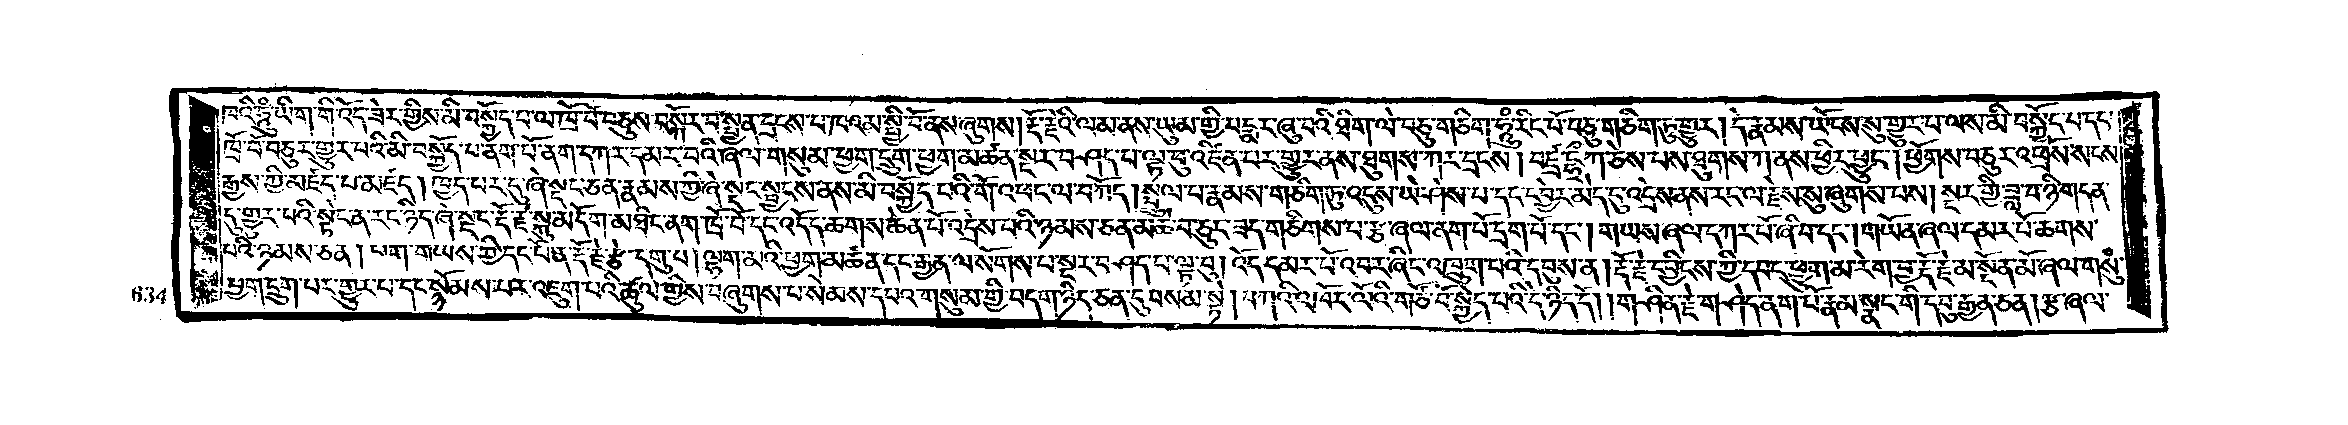ཁའི་ཧཱུཾ་ཡིག་གི་འོད་ཟེར་གྱིས་མི་བསྐྱོད་པ་ལ་ཁྲོ་བོ་བཅུས་བསྐོར་བ་སྤྱན་དྲངས་པ་ཁའམ་སྤྱི་བོ་ནས་ཞུགས། རྡོ་རྗེའི་ལམ་ནས་ཡུམ་གྱི་པདམར་ཞུ་བའི་ཐིག་ལེ་བཅུ་གཅིག་ཧཱུཾ་རིང་པོ་བཅུ་གཅིག་ཏུ་གྱུར། དེ་རྣམས་ཡོངས་སུ་གྱུར་པ་ལས་མི་བསྐྱོད་པ་དང་
ཁྲོ་བོ་བཅུར་གྱུར་པའི་མི་བསྐྱོད་པ་ནག་པོ་ནག་དཀར་དམར་བའི་ཞལ་གསུམ་ཕྱག་དྲུག་ཕྱག་མཚན་སྔར་བཤད་པ་ལྟ་བུ་འཛིན་པར་གྱུར་ནས་ཐུགས་ཀར་དྲངས། བཛྲ་དྷྲྀ་ཀ་ཅེས་པས་ཐུགས་ཀ་ནས་ཕྱིར་ཕྱུང་། ཕྱོགས་བཅུར་འཕྲོས་སངས་
རྒྱས་ཀྱི་མཛད་པ་མཛད། ཁྱད་པར་དུ་ཞེ་སྡང་ཅན་རྣམས་ཀྱི་ཞེ་སྡང་སྦྱངས་ནས་མི་བསྐྱོད་པའི་གོ་འཕང་ལ་བཀོད། སྤྲུལ་པ་རྣམས་གཅིག་ཏུ་འདུས་ཡེ་ཤེས་པ་དང་དབྱེར་མེད་དུ་འདྲེས་ནས་རང་ལ་རྗེས་སུ་ཞུགས་པས། སྔར་གྱི་ཟླ་བ་ཉི་གདན་
དུ་གྱུར་པའི་སྟེང་ན་རང་ཉིད་ཞེ་སྡང་རྡོ་རྗེ་སྐུ་མདོག་མཐིང་ནག་ཁྲོ་བ་དང་འདོད་ཆགས་ཆེན་པོ་འདྲེས་པའི་ཉམས་ཅན་མཆེ་བ་ཅུང་ཟད་གཙིགས་པ་རྩ་ཞལ་ནག་པོ་དྲག་པོ་དང་། གཡས་ཞལ་དཀར་པོ་ཞི་བ་དང་། གཡོན་ཞལ་དམར་པོ་ཆགས་
པའི་ཉམས་ཅན། ཕྱག་གཡས་ཀྱི་དང་པོ་ན་རྡོ་རྗེ་རྩེ་དགུ་པ། ལྷག་མའི་ཕྱག་མཚན་དང་རྒྱན་ལ་སོགས་པ་སྔར་བཤད་པ་ལྟ་བུ། འོད་དམར་པོ་འབར་ཞིང་འཁྲུག་པའི་དབུས་ན། རྡོ་རྗེ་དབྱིངས་ཀྱི་དབང་ཕྱུག་མ་རེག་བྱ་རྡོ་རྗེ་མ་སྔོན་མོ་ཞལ་གསུམ་
ཕྱག་དྲུག་པར་གྱུར་པ་དང་སྙོམས་པར་འཇུག་པའི་ཚུལ་གྱིས་བཞུགས་པ་སེམས་དཔའ་གསུམ་གྱི་བདག་ཉིད་ཅན་དུ་བསམ་སྟེ། བཀའི་འཁོར་ལོའི་གཙོ་བོ་སྐྱེད་པའི་དེ་ཉིད་དོ། །གཤིན་རྗེ་གཤེད་ནག་པོ་རྣམ་སྣང་གི་དབུ་རྒྱན་ཅན། རྩ་ཞལ་